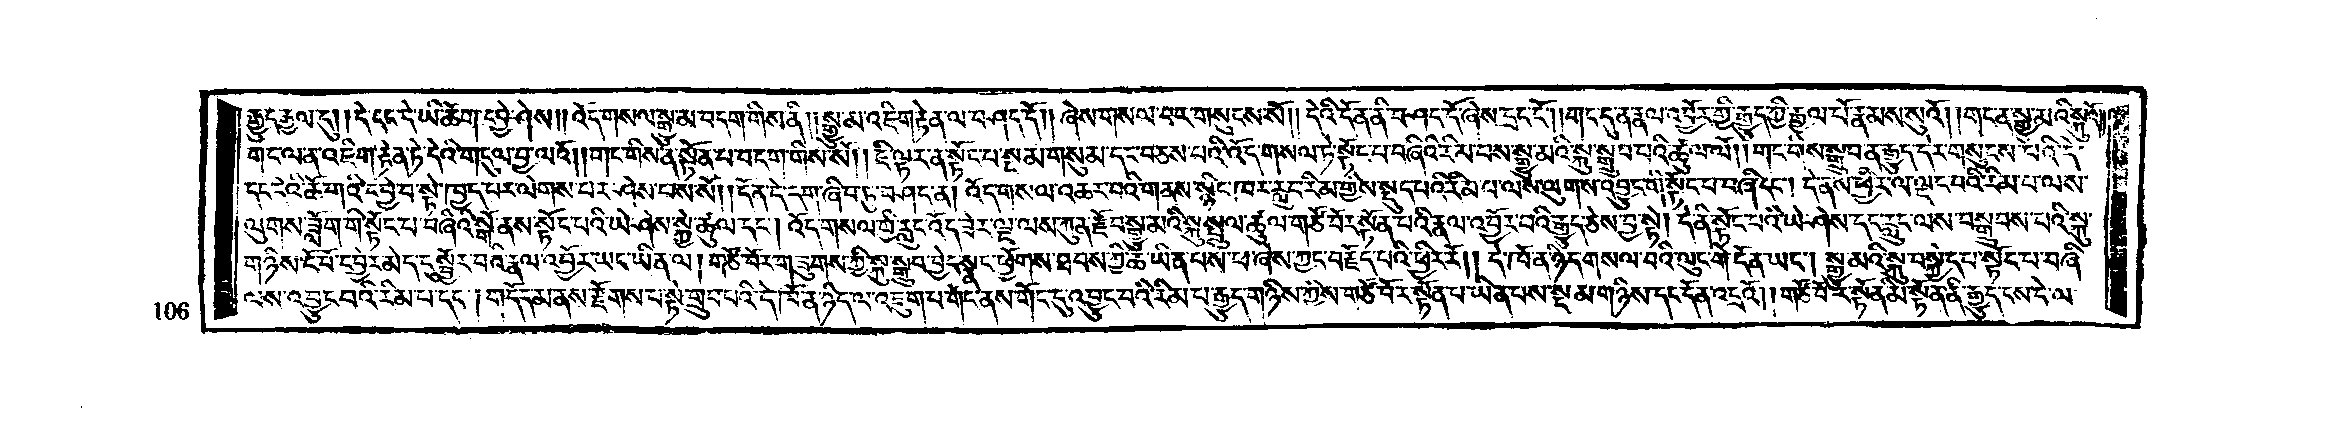རྒྱུད་རྒྱལ་དུ། །དེ་དང་དེ་ཡི་ཆོག་དབྱེ་ཤེས། །འོད་གསལ་སྒྱུ་མ་བདག་གིས་ནི། །སྒྱུ་མ་འཇིག་རྟེན་ལ་བཤད་དོ། །ཞེས་གསལ་བར་གསུངས་སོ། །དེའི་དོན་ནི་བཤད་དོ་ཞེས་དྲང་ངོ། །གང་དུ་ན་རྣལ་འབྱོར་གྱི་རྒྱུད་ཀྱི་རྒྱལ་པོ་རྣམས་སུའོ། །གང་ན་སྒྱུ་མའི་སྐུའོ། །
གང་ལ་ན་འཇིག་རྟེན་ཏེ་དེའི་གདུལ་བྱ་ལའོ། །གང་གིས་ན་སྟོན་པ་བདག་གིས་སོ། །ཇི་ལྟར་ན་སྟོང་པ་སྔ་མ་གསུམ་དང་བཅས་པའི་འོད་གསལ་ཏེ་སྟོང་པ་བཞིའི་རིམ་པས་སྒྱུ་མའི་སྐུ་སྒྲུབ་པའི་ཚུལ་ལོ། །གང་གིས་སྒྲུབ་ན་རྒྱུད་དེར་གསུངས་པའི་དེ་
དང་དེའི་ཆོ་གའི་དབྱེ་བ་སྟེ་ཁྱད་པར་ལེགས་པར་ཤེས་པས་སོ། །དོན་དེ་དག་ཞིབ་ཏུ་བཤད་ན། འོད་གསལ་འཆར་བའི་གནས་སྙིང་ཁར་རླུང་རིམ་གྱིས་སྡུད་པའི་རིམ་པ་ལས་ལུགས་འབྱུང་གི་སྟོང་པ་བཞི་དང་། དེ་ནས་ཕྱིར་ལ་ལྡང་བའི་རིམ་པ་ལས་
ལུགས་ཟློག་གི་སྟོང་པ་བཞིའི་སྒོ་ནས་སྟོང་པའི་ཡེ་ཤེས་སྐྱེ་ཚུལ་དང་། འོད་གསལ་གྱི་རླུང་འོད་ཟེར་ལྔ་ལས་ཀུན་རྫོབ་སྒྱུ་མའི་སྐུ་སྤྲུལ་ཚུལ་གཙོ་བོར་སྟོན་པའི་རྣལ་འབྱོར་ཕའི་རྒྱུད་ཅེས་བྱ་སྟེ། དེ་ནི་སྟོང་པའི་ཡེ་ཤེས་དང་རླུང་ལས་བསྒྲུབས་པའི་སྐུ་
གཉིས་ངོ་བོ་དབྱེར་མེད་དུ་སྦྱོར་བའི་རྣལ་འབྱོར་ཡང་ཡིན་ལ། གཙོ་བོར་གཟུགས་ཀྱི་སྐུ་སྒྲུབ་བྱེད་སྣང་ཕྱོགས་ཐབས་ཀྱི་ཆ་ཡིན་པས་ཕ་ཞེས་ཀྱང་བརྗོད་པའི་ཕྱིར་རོ། །དེ་ཁོ་ན་ཉིད་གསལ་བའི་ལུང་གི་དོན་ཡང་། སྒྱུ་མའི་སྐུ་བསྐྱེད་པ་སྟོང་པ་བཞི་
ལས་འབྱུང་བའི་རིམ་པ་དང་། གདོད་མ་ནས་རྫོགས་པ་སྟེ་གྲུབ་པའི་དེ་ཁོ་ན་ཉིད་ལ་འཇུག་པ་གོང་ནས་གོང་དུ་འབྱུང་བའི་རིམ་པ་རྒྱུད་གཉིས་ཀྱིས་གཙོ་བོར་སྟོན་པ་ཡིན་པས་སྔ་མ་གཉིས་དང་དོན་འདྲའོ། །གཙོ་བོར་སྟོན་མི་སྟོན་ནི་རྒྱུད་དེས་དེ་ལ་